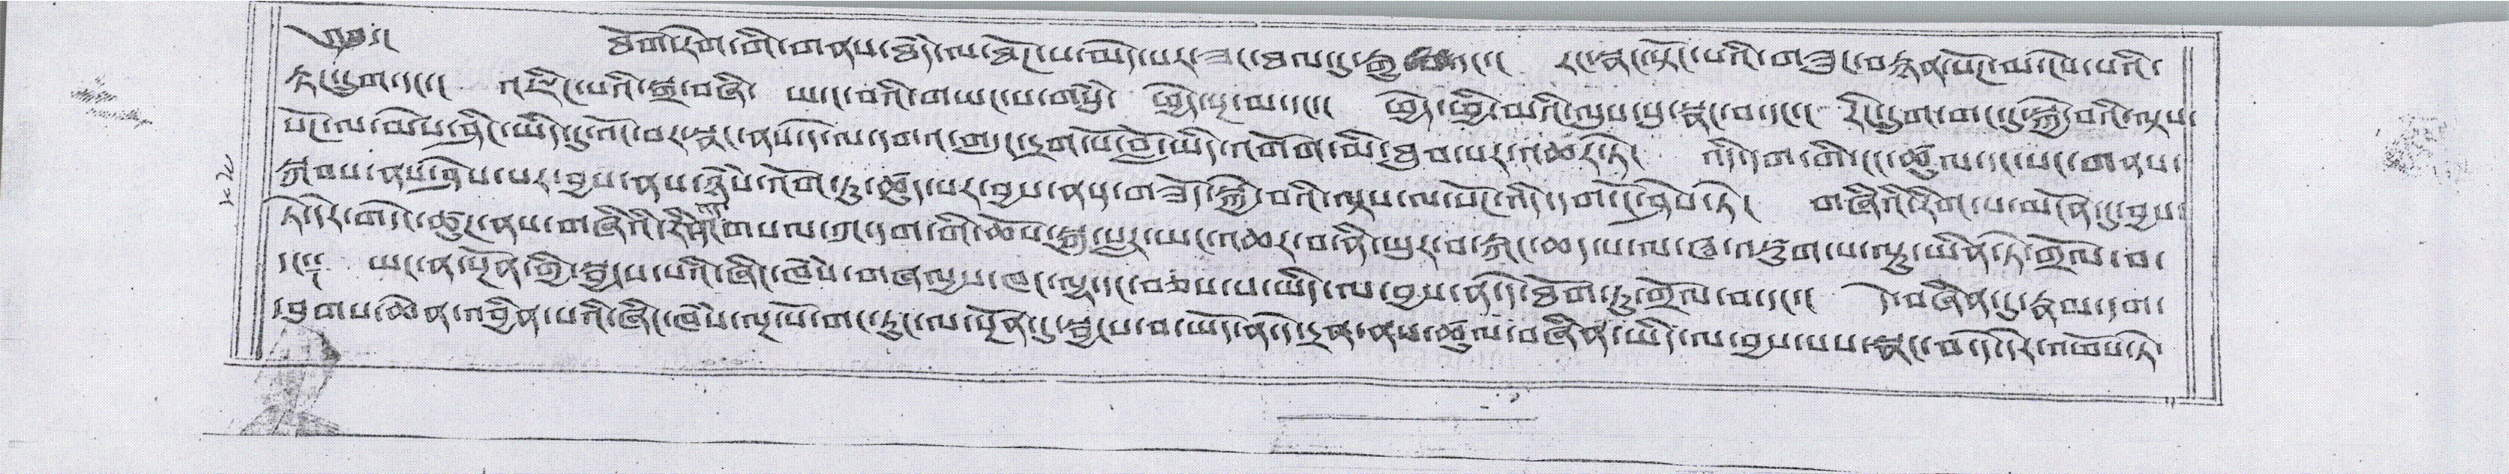ཐོག་རེག་གི་གནས་ཐམས་ཅད་ལ་ཐོགས་པ་མེད་པར་ཟང་ཐལ་དུ་རྒྱུ་བ་དང་། རང་སྣང་སྟོང་པའི་གཟུགས་བརྙན་སོགས་མ་ངེས་པའི་
རྟགས་དྲུག་དང་། འཇིགས་པའི་སྒྲ་བཞི། ཡ་ང་བའི་གཡང་ས་གསུམ། ཕྱེད་སྔ་མ་དང་ཕྱེད་ཕྱི་མའི་ལུས་སུ་སྣང་བ་དང་། རིགས་དྲུག་གང་དུ་སྐྱེ་བའི་ལྟས་
སོགས་ལ་མཛེས་ཤིང་ཡིད་དུ་འོང་བར་སྣང་ནས་དེ་ལ་དགའ་གདུང་དྲག་པོ་བློ་ཡིད་འགོག་མི་ཐུབ་པར་འཆར་ཏེ། འདི་དག་གི་ངང་ཚུལ་དང་སང་གནས་
སྐབས་ནས་ཤེས་པར་བྱས་ནས་ཉམས་འོག་ཏུ་ཚུད་པར་བྱས་ན་ད་གཟོད་སྐྱེ་བའི་ལྟས་ལ་སོགས་འདི་དག་ངོ་ཤེས་ཏེ། གཞིའི་རིག་པ་མངོན་དུ་བྱས་
ཏེ་དེར་གདེང་ཚུགས་ནས་གཞིའི་འོད་གསལ་ཀ་དག་གི་ཆོས་སྐུར་སླར་ཡང་འཆར་བ་ནི་ཡུར་བ་རྐང་ཆད་པ་ལ་ཝ་འཇུག་པ་ལྟ་བུ་ཡིན་ཏེ་གྲོལ་བ་
དང་། ཡང་ན་སྔོན་གྱི་སྦྱངས་པའི་ཞིང་ཁམས་གཞལ་ཡས་ཁང་ལྷ་དང་བཅས་པ་ཡིད་ལ་བྱས་ན་དེ་ཐོག་ཏུ་གྲོལ་བ་དང་། དེ་བཞིན་དུ་རྣམ་དག་
དབུགས་ཆེན་འབྱིན་པའི་ཞིང་ཁམས་ལྔ་པོ་གང་རུང་ལ་སྔོན་དུ་སྦྱངས་པ་ཡོད་ན་དེ་དྲན་ནས་ཚུལ་བཞིན་ཡིད་ལ་བྱས་པས་སྣང་བ་དེ་དེར་འཕོས་ཏེ་